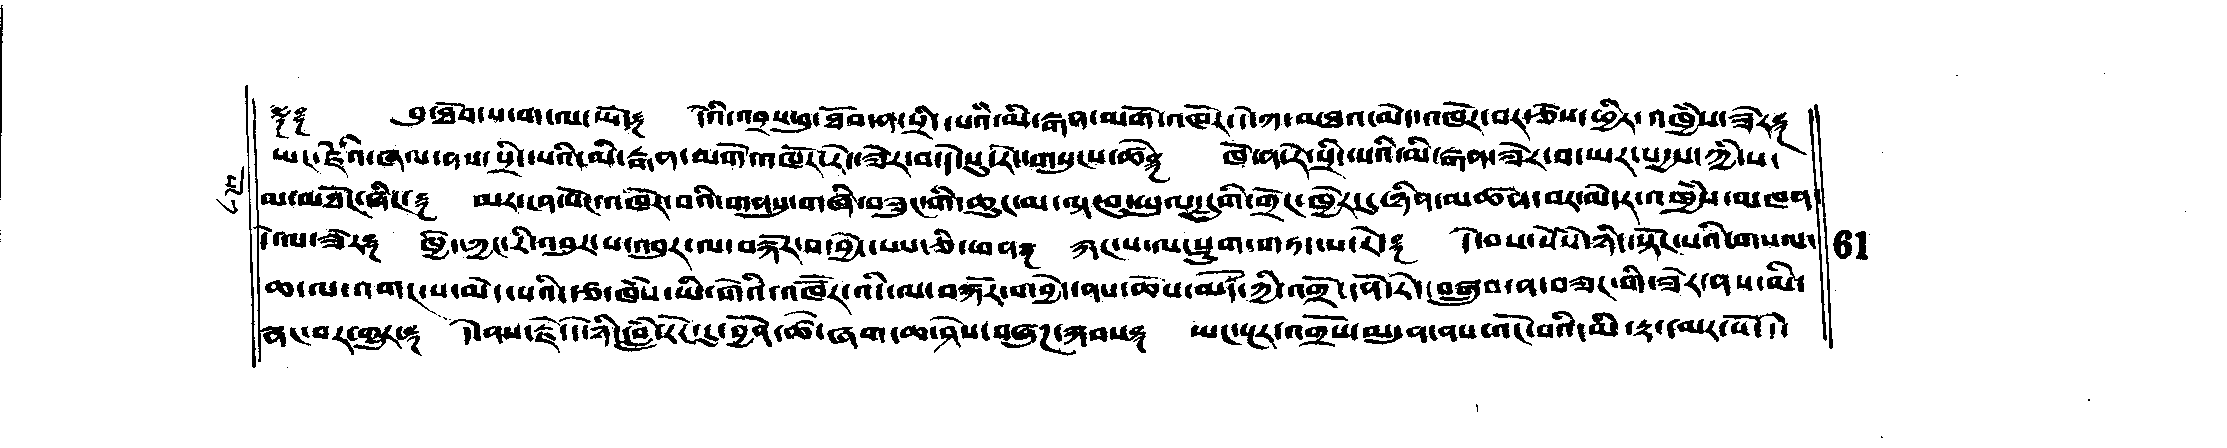བུ་ཐོབ་པ་ག་ལ་ཡོད། དེའི་འབྲས་བུ་ཐོབ་ན་སྲིད་པའི་མི་རྒན་མགོ་འཁོར་དེ་ཀ་མཐའ་མེད་འཁོར་བར་ཅིས་ཕྱིར་འཁྱམས་ཟེར། 
ཡང་རྗེའི་ཞལ་ནས་སྲིད་པའི་མི་རྒན་མགོ་འཁོར་རེད་ཟེར་བ་དེ་སུ་རེད་གསུངས་ཚེ། ཁོ་ན་རེ་སྲིད་པའི་མི་རྒན་ཟེར་བ་ཡར་སངས་རྒྱས་ཀྱི་ས་
མ་མཐོང་ཞིང་། མར་ངན་སོང་འཁོར་བའི་གནས་སུ་གཞིས་བཟུང་གི་ཆུང་མ་ལྟ་བུ་ཡུལ་དྲུག་གི་གྲོང་ཁྱེར་དུ་ཉིན་མཚན་བར་མེད་པར་འཁྱམས་མཁན་
དེ་ལ་ཟེར། ཁྱེད་ཀྱང་རི་འབུར་ས་འབུར་ལ་བསྐོར་བ་བྱེད་པས་ཅི་ཕན་། རྐང་པ་ལ་སྡུག་གཏད་པ་རེད། དེ་བས་སེམས་ཉིད་སྟོང་པའི་གསལ་
ཆ་ལ་འགགས་པ་མེད་པའི་རྩ་ཁམས་ཡི་གེའི་འཁོར་ལོ་འདི་ལ་བསྐོར་བ་བྱེད་ནས་ཆོས་མཛད་ཀྱི་འགྲོ་དོན་རེ་བསྒྲུབ་ན་བཟང་གི་ཟེར་ནས་མི་
སྣང་བར་གྱུར། དེ་ནས་རྗེ་དེ་ཉིད་བླ་མ་རོང་དུ་བྱོན་ཚེ་ཞག་ཆ་ཤེས་བཞུགས་སྐབས། ཡང་སྔར་འགྲོས་མདུན་ནས་འོང་བའི་མི་རྟ་དམར་པོ་དེ་